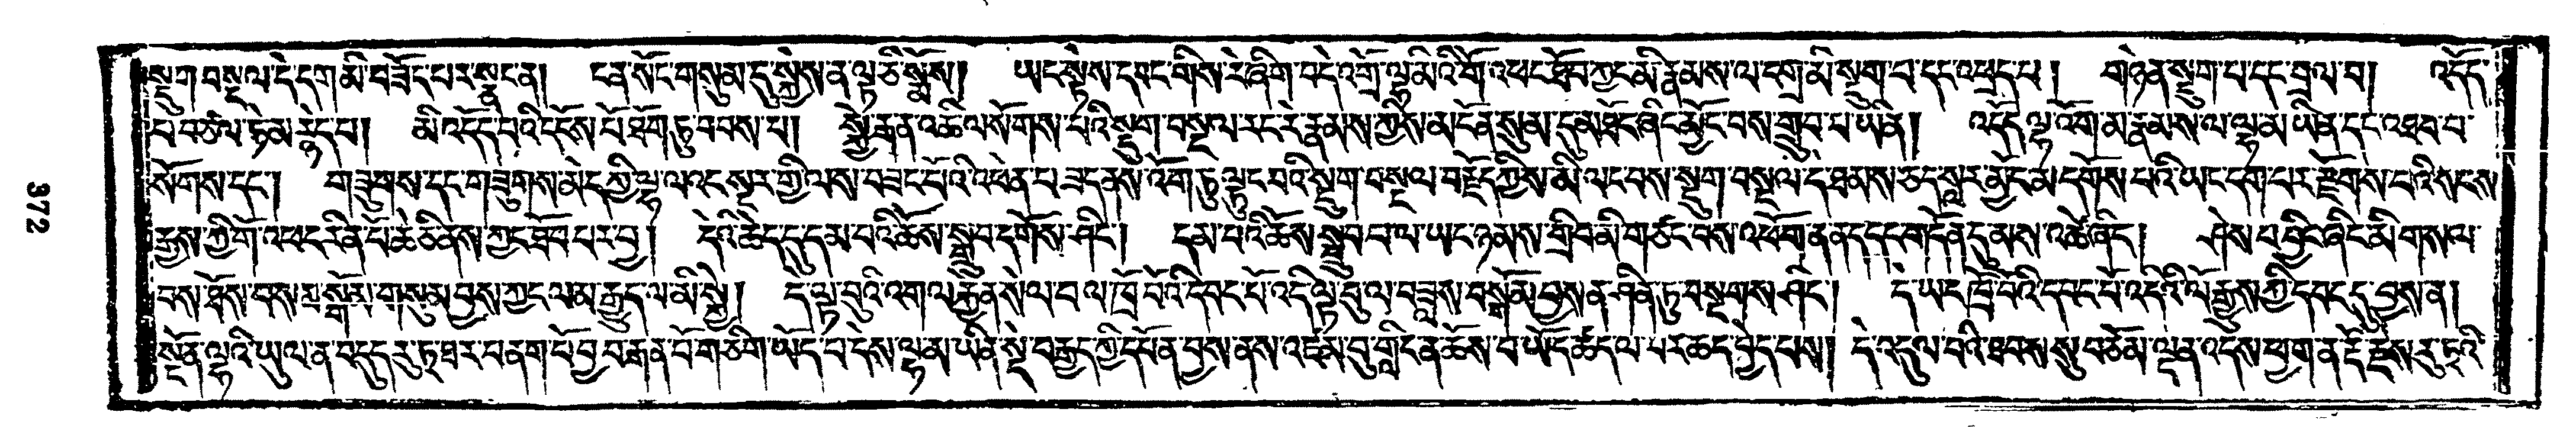སྡུག་བསྔལ་དེ་དག་མི་བཟོད་པར་སྣང་ན། ངན་སོང་གསུམ་དུ་སྐྱེས་ན་ལྟ་ཅི་སྨོས། །ཡང་སྟེང་དབང་གིས་རེ་ཞིག་བདེ་འགྲོ་ལྷ་མིའི་གོ་འཕང་ཐོབ་ཀྱང་མི་རྣམས་ལ་དགྲ་མི་སྡུག་བ་དང་འཕྲད་པ། །གཉེན་སྡུག་པ་དང་བྲལ་བ། །འདོད་
པ་བཙལ་ཏེ་མ་རྙེད་པ། མི་འདོད་པའི་དངོས་པོ་ཐོག་ཏུ་བབས་པ། །སྐྱེ་རྒན་འཆི་ལ་སོགས་པའི་སྡུག་བསྔལ་རང་རེ་རྣམས་ཀྱིས་མངོན་སུམ་དུ་མཐོང་ཞིང་མྱོང་བས་གྲུབ་པ་ཡིན། །འདོད་ལྷ་འོག་མ་རྣམས་ལ་ལྷ་མ་ཡིན་དང་འཐབ་པ་
སོགས་དང་། གཟུགས་དང་གཟུགས་མེད་ཀྱི་ལྷ་ལའང་སྔར་གྱི་ལས་བཟང་པོའི་འཕེན་པ་ཟད་ནས་འོག་ཏུ་ལྟུང་པའི་སྡུག་བསྔལ་བརྗོད་ཀྱིས་མི་ལང་བས་སྡུག་བསྔལ་དེ་ཐམས་ཅད་སླར་མྱོང་མ་དགོས་པའི་ཡང་དག་པར་རྫོགས་པའི་སངས་
རྒྱས་ཀྱི་གོ་འཕང་རིན་པོ་ཆེ་ཅི་ནས་ཀྱང་ཐོག་པར་བྱ། །དེའི་ཆེད་དུ་དམ་པའི་ཆོས་སྒྲུབ་དགོས་ཤིང་། དམ་པའི་ཆོས་སྒྲུབ་པ་ལ་ཡང་ཉམས་གྲིབ་མི་གཙང་བས་འཕོག་ན་ནད་དང་གདོན་དུ་མས་འཚེ་ཞིང་། །ཤེས་བ་བྱིང་ཞིང་མི་གསལ་
བས་ཐོས་བསམ་སྒོམ་གསུམ་བྱས་ཀྱང་ལམ་རྒྱུད་ལ་མི་སྐྱེ། །དེ་ལྟ་བུའི་འགལ་རྐྱེན་སེལ་བ་ལ་ཁྲོ་བོའི་དབང་པོ་འདི་ལྟ་བུ་ལ་བཟླས་བསྒོམ་བྱས་ན་ཤིན་ཏུ་བསྔགས་ཤིང་།དེ་ཡང་ཁྲོ་བོའི་དབང་པོ་འདིའི་ལོ་རྒྱུས་ཀྱི་དབང་དུ་བྱས་ན།
སྔོན་ལྷའི་ཡུལ་ན་བདུད་རུ་ཏྲ་ཐར་བ་ནག་པོ་བྱ་བ་རྒན་པོ་གཅིག་ཡོད་པ་དེས་ལྷ་མ་ཡི་སྡེ་བརྒྱད་ཀྱི་དཔོན་བྱས་ནས་འཛམ་བུ་གླིང་ན་ཆོས་བ་ཡོད་ཚད་ལ་པར་ཆད་བྱེད་པས། །དེ་འདུལ་བའི་ཐབས་སུ་བཅོམ་ལྡན་འདས་ཕྱག་ན་རྡོ་རྗེས་རུ་ཏྲའི་